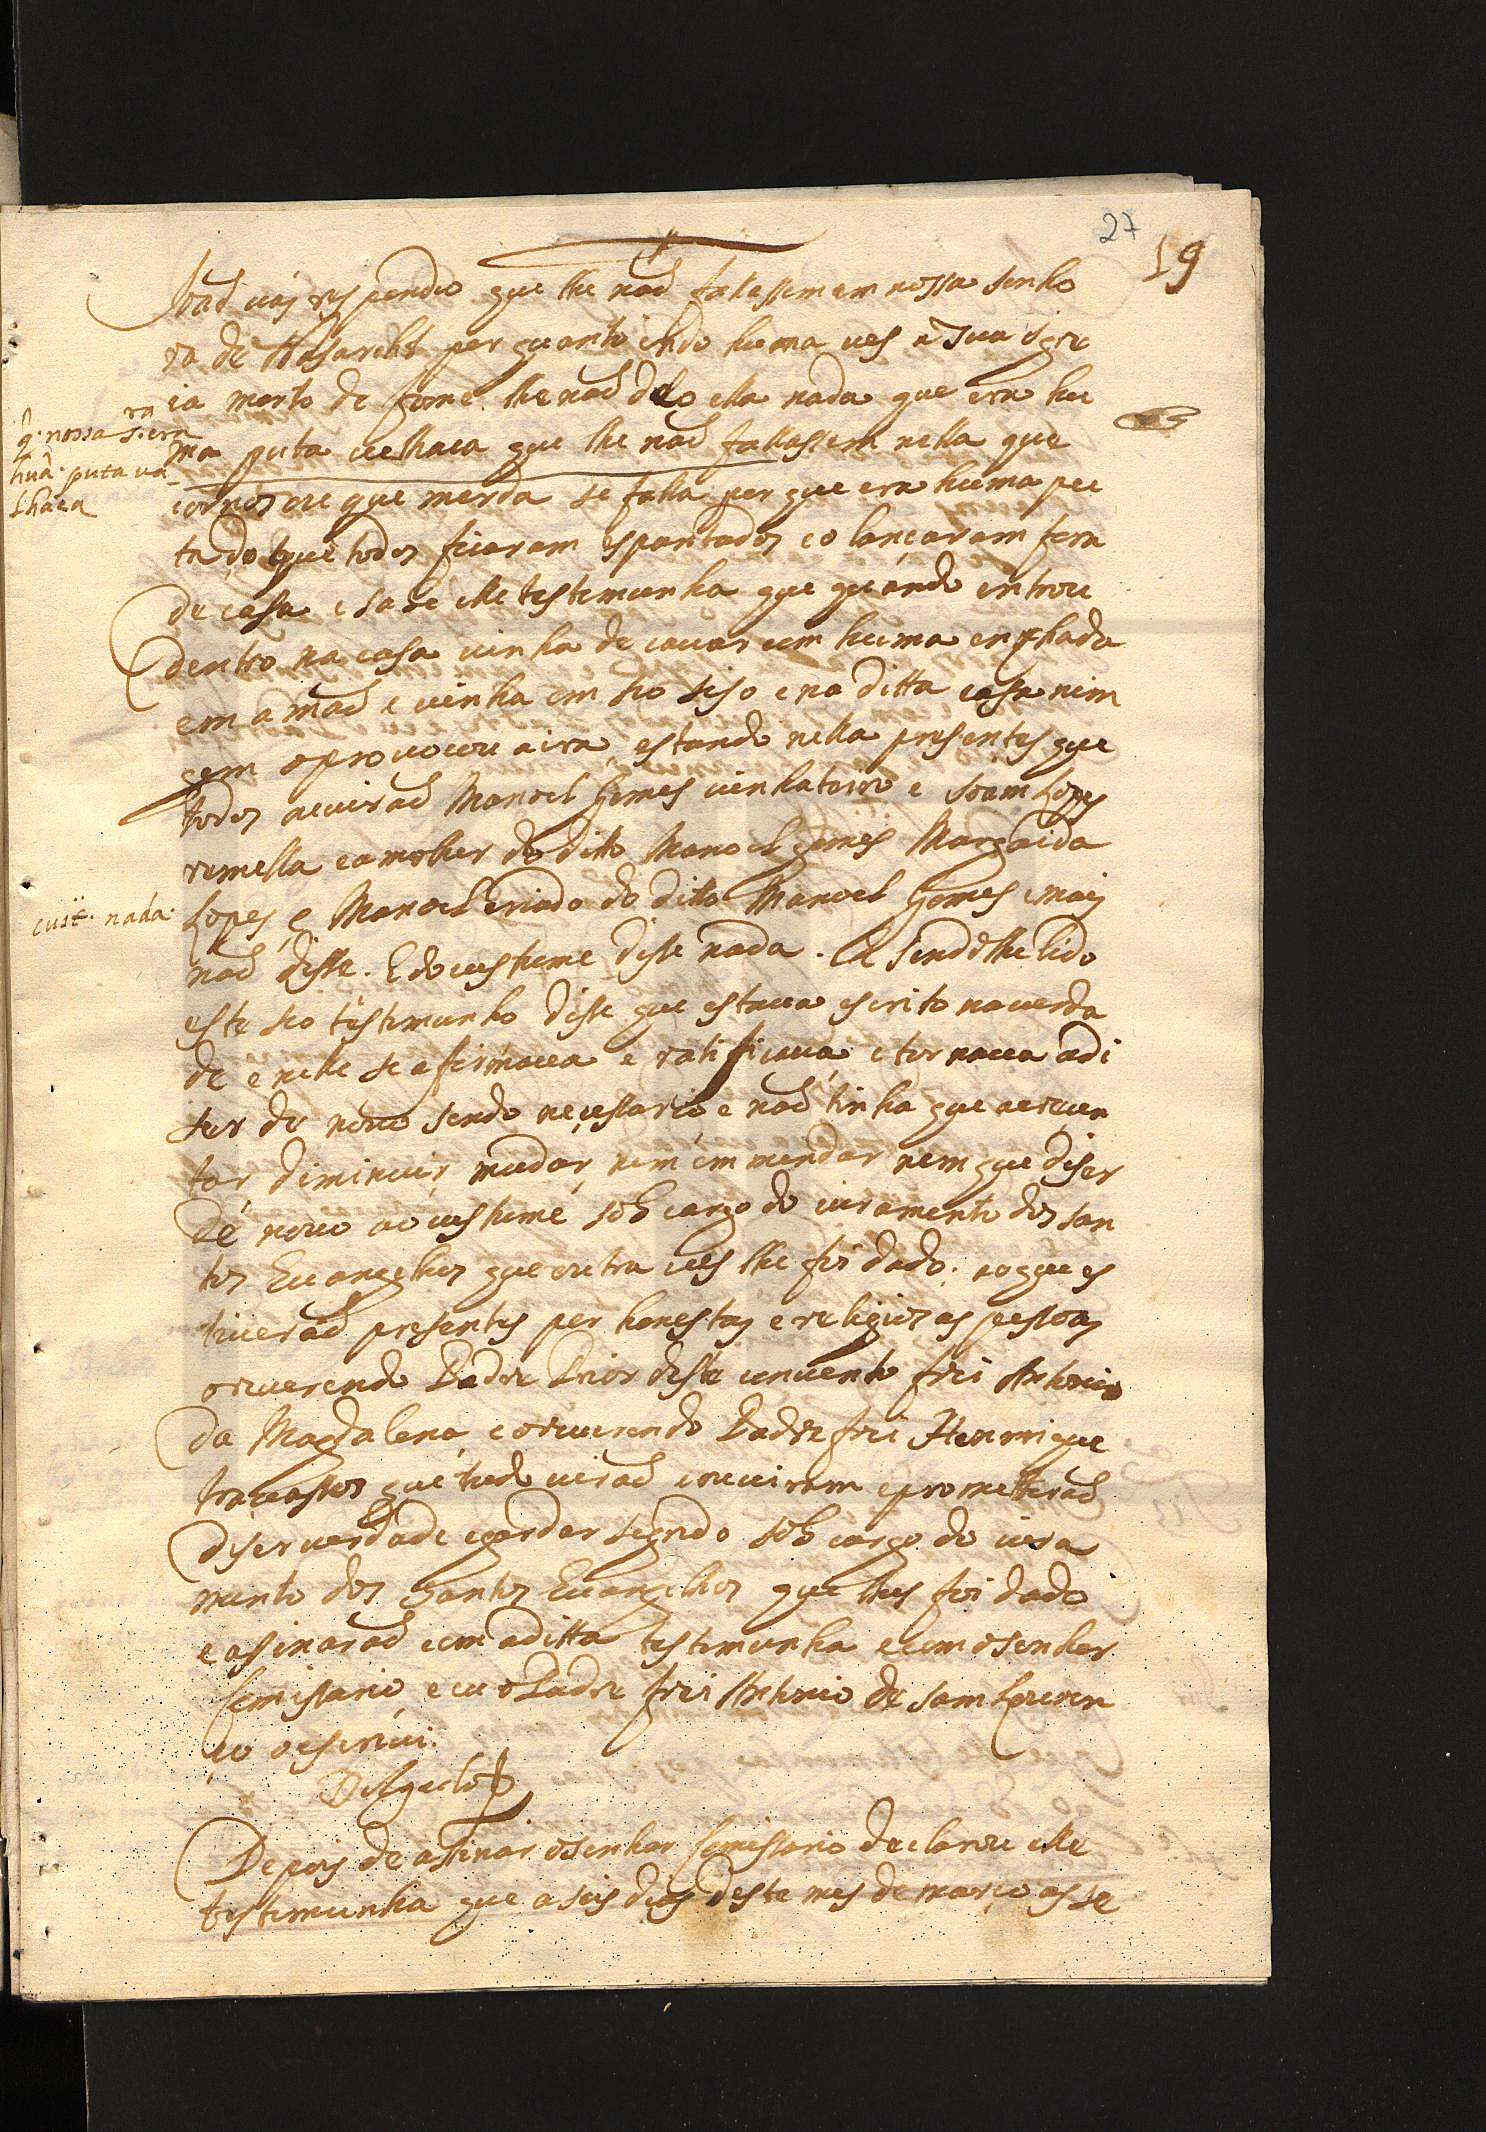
Joaõ uas respondeo que lhe naõ falassem em nossa senho
ra de Nasareht porquanto indo huma ues a sua Igre
ia morto de fome lhe naõ deo ella nada que era hu
q̄ nossa s.ra era
huā puta ua
lhaca
ma puta uelhaca que lhe naõ fallassem nella que
cornos ou que merda se falla porque era huma pu
ta, do que todos ficaram espantados e o lançaram fora
de casa e sabe elle testemunha que quando entrou
dentro na casa uinha de cauar com huma enxhada
em a maõ e uinha em seo siso, e na ditta casa nim
gem o prouocou a ira, estando nella presentes que
todos ouuiraõ Manoel Gomes uinhateiro e Ioam Lopes
remella e a molher do ditto Manoel gomes Margaida
Lopes, e Manoel criado do ditto Manoel Gomes e mais
cust. nada
naõ disse. E do custume disse nada. E sendolhe lido
este seo testemunho disse que estaua escrito na uerda
de e nelle se affirmaua e ratificaua, e tornaua a di
ser de nouo sendo necessario, e naõ tinha que acrecen
tar, diminuir, mudar, nem emmendar nem que diser
de nouo ao custume sob cargo do iuramento dos san
tos Euangelhos que outra ues lhe foi dado; ao que es
tiueraõ presentes por honestas e religiozas pessoas
o reuerendo Padre Prior deste conuento frei Antonio
da Magdalena, e o reuerendo Padre frei Henrrique
trauassos que tudo uirão e ouuiram e prometteraõ
diser uerdade gardar segredo sob cargo do iura
mento dos Santos Euangelhos que lhes foi dado
e assinaraõ com a ditta testemunha e com o senhor
Comissario, e eu o Padre frei Antonio de sam Louren
ço o escreui.
Delgado
Depois de assinar o senhor Comissario declarou elle
testemunha que a seis dias deste mes de março as se
